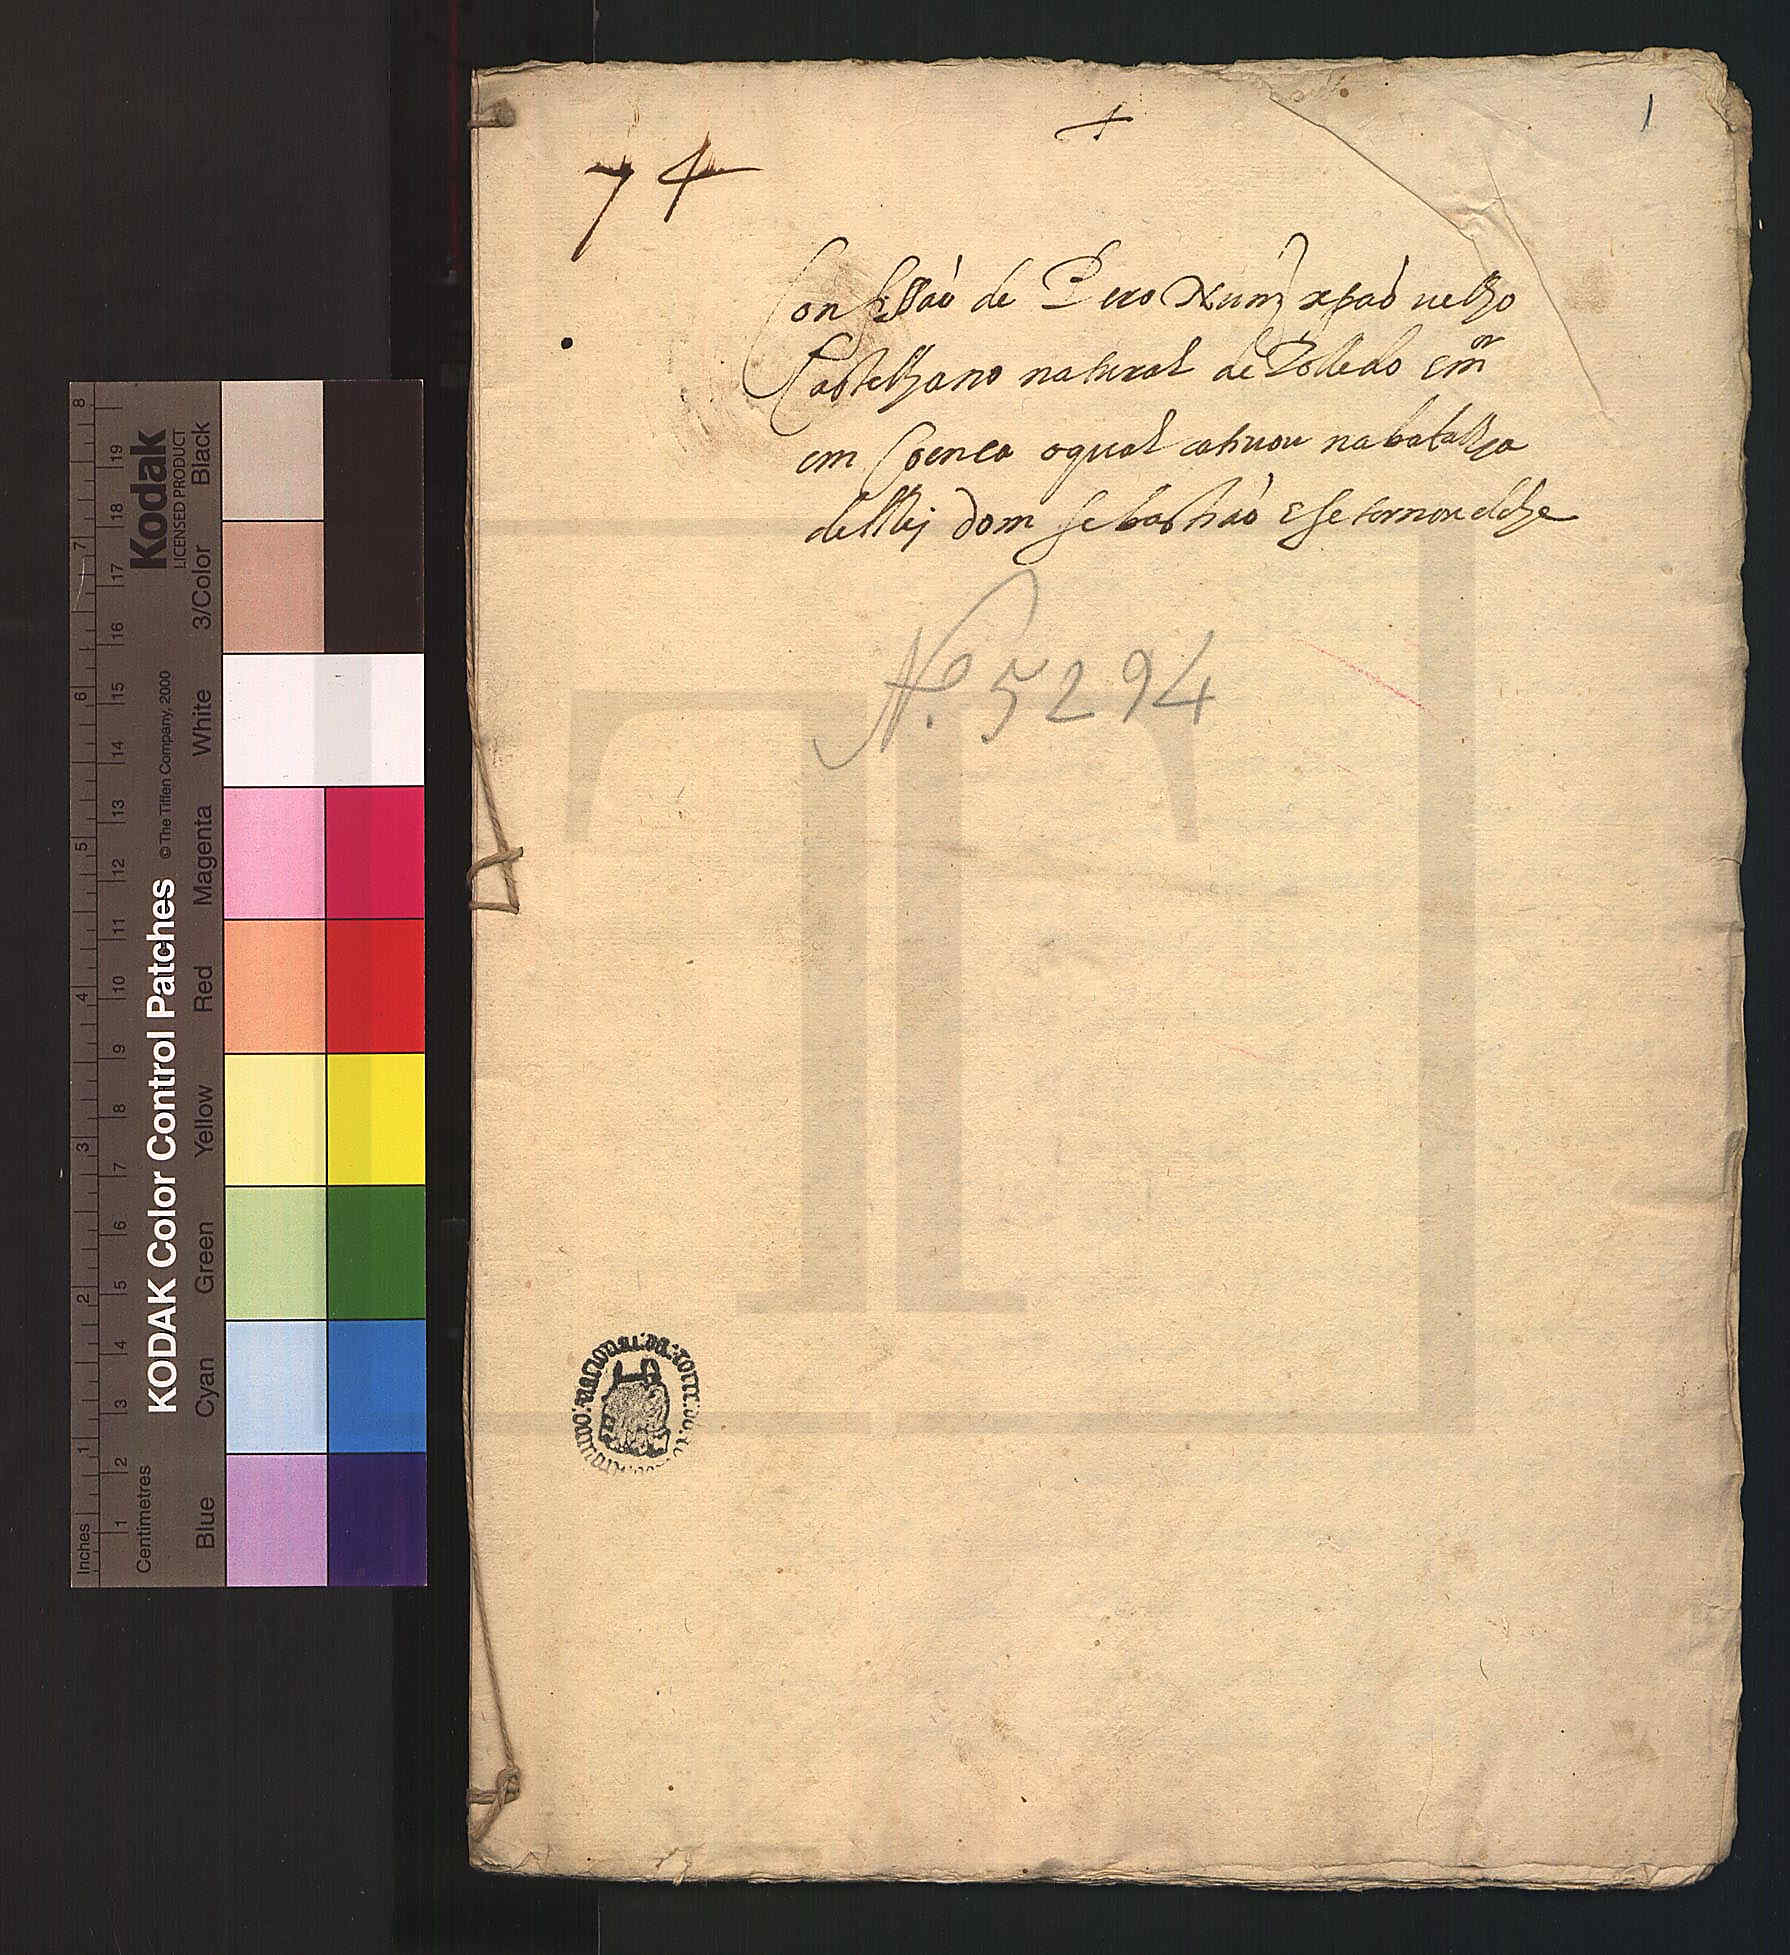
74
Confissaõ de Pero Nunz̄ xpaõ uelho
Castelhano natural de Tolledo E mor
em Coenca o qual catiuou na batalha
del Rej dom sebastiaõ E se tornou elche
